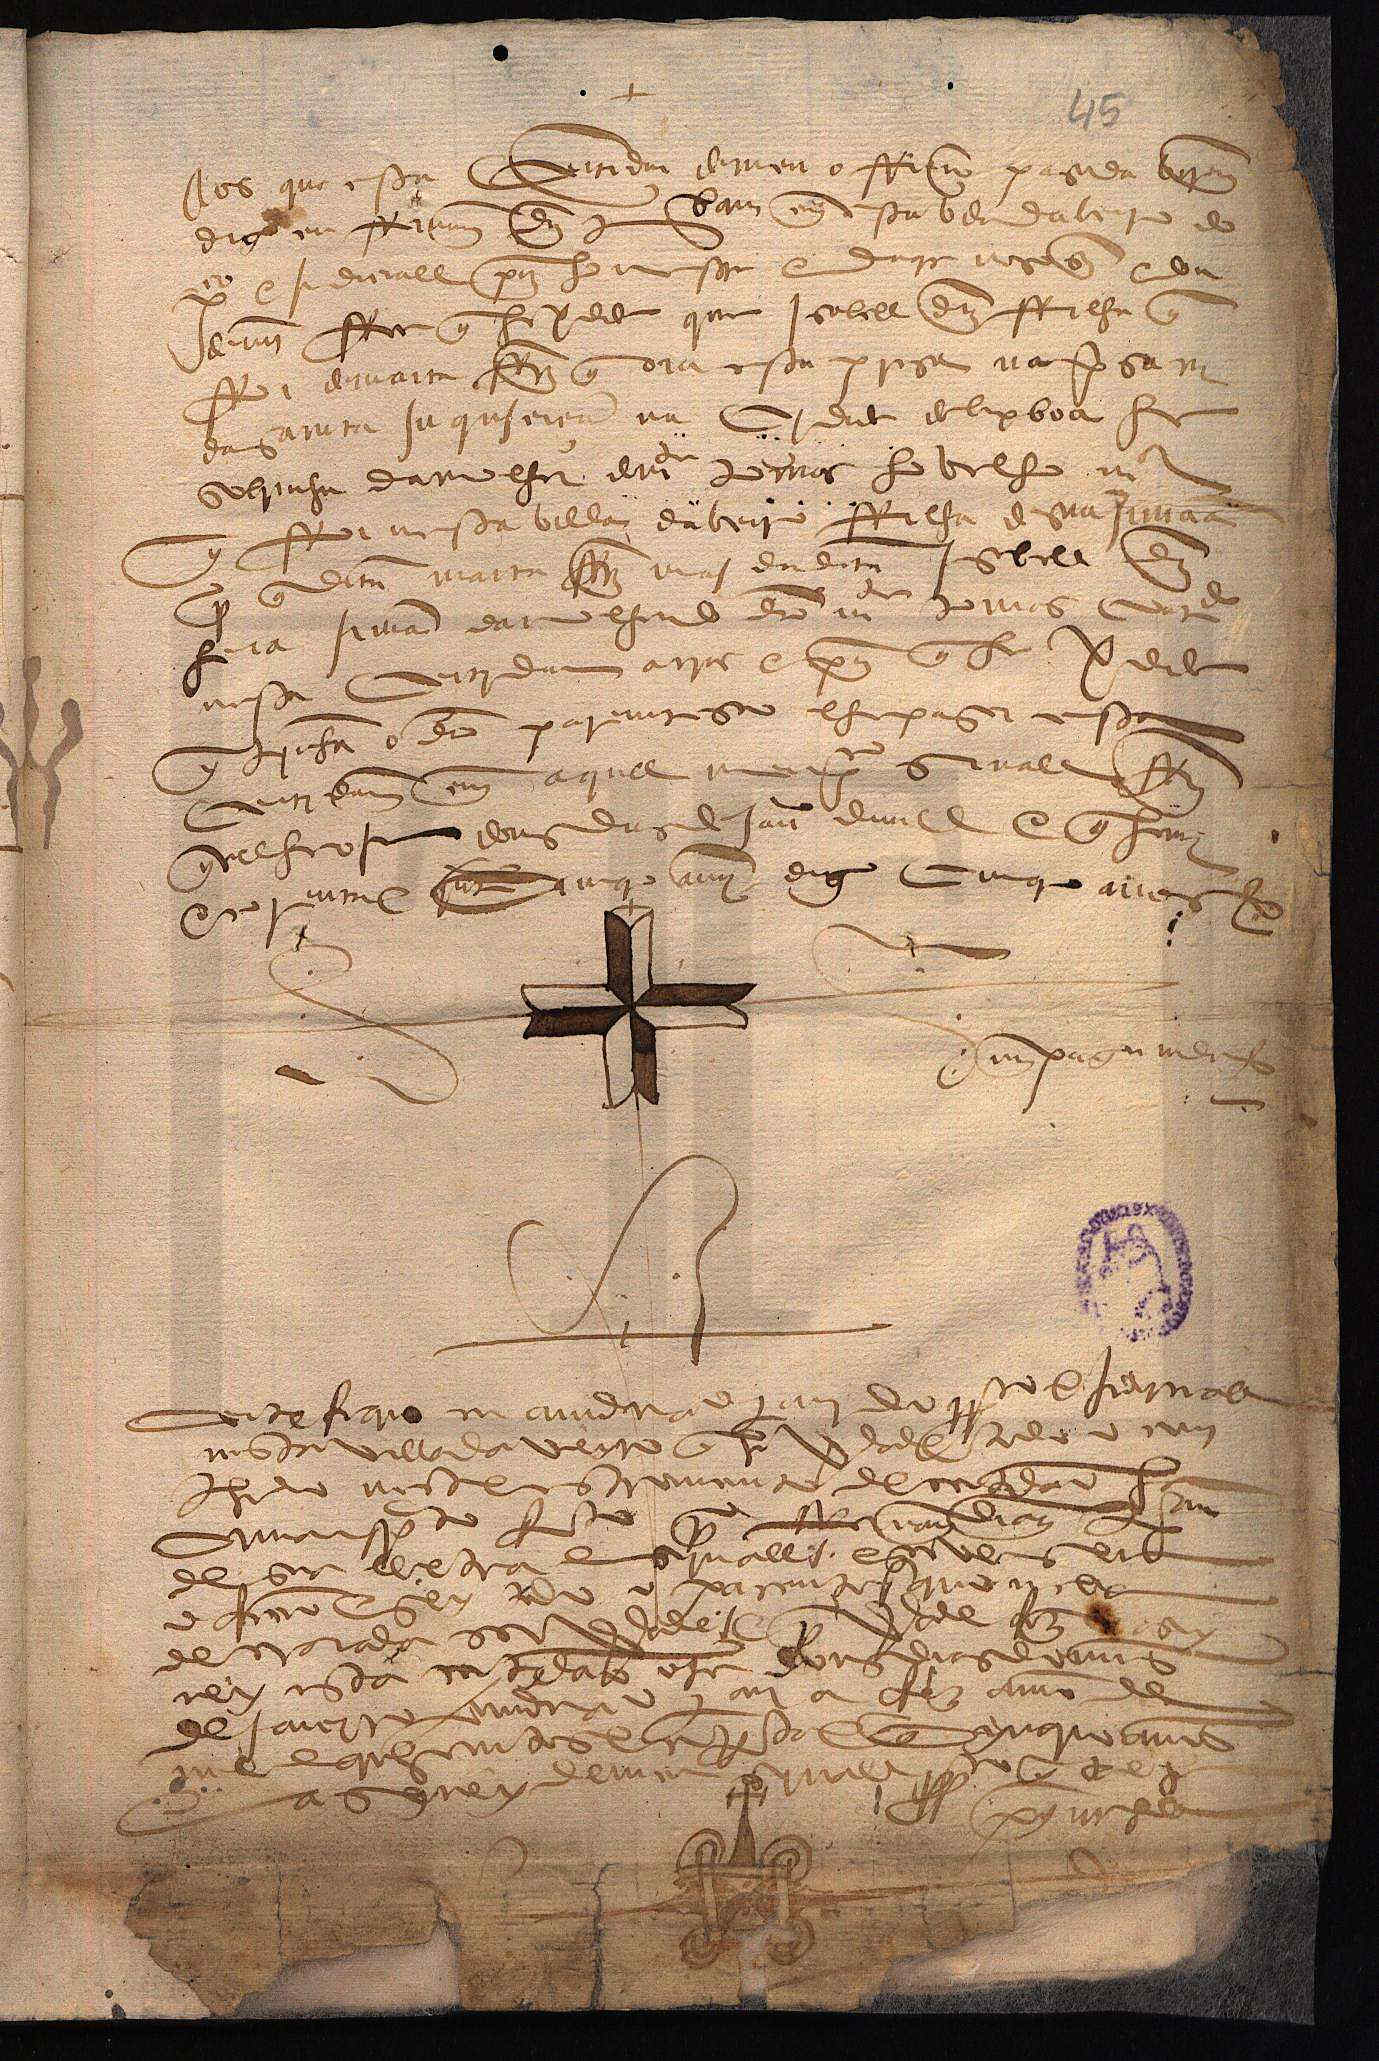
Aos que esta Certidaõ de meu officio pasada virem
digo eu ffernam dīz tbam em esta vila daveiro do
pco e Judiciall por ho meste e duqe noso s̄r e dou
de mj̄ ffee q̄ he ꝟdade que Jsabell d̄iz ffilha q̄
ffoi de marta ffr̄z q̄ ora esta presa na p̄sam
da samta Jnqujciçā na Cjdade de lixboa he
sobrinha da molher de mte tomas ho velho mor
q̄ ffoi nesta villa daveiro ffilha de sua Jrmaā
p̄oq̄ dita marta ffr̄z maj da dita Jsabell dīz
hera Jrmā da molher do dt̄o mte tomas contdo
nesta Certjdam atras e porq̄ he ꝟdade
q̄ tynhā o dt̄o paremtesco lhe pasei esta
Certjdam em a quall meu pco sinall ffiz
q̄ tal he oJe dous dias de Janro de mill e q̄hentos
e corenta e Cinqo an̄ꝯ digo Cinqo anos
nā pagou nada
Certefiquo eu amdre ao tam do ꝓpco e Judyciall
nesta villa daveiro q̄ he ꝟdade todo o com
thedo neste estromento de certidão ha
Cima sp̄to fto p̄o ffernão diaz tbam
de sua lletra e synall /. e serve seu
oficio e sey todo parentesquo nella
decrarada ser ꝟdade / e p̄o ꝟdade fiz e asy
ney esta certydão oJe dous dias do mes
de Janejro Amdre ao tam a fez an̄o de
mil e quinhemtos e coRēta e Cynquo anos
e asyney de meu synall ꝓpco q̄ tal he
p̄g nihill
